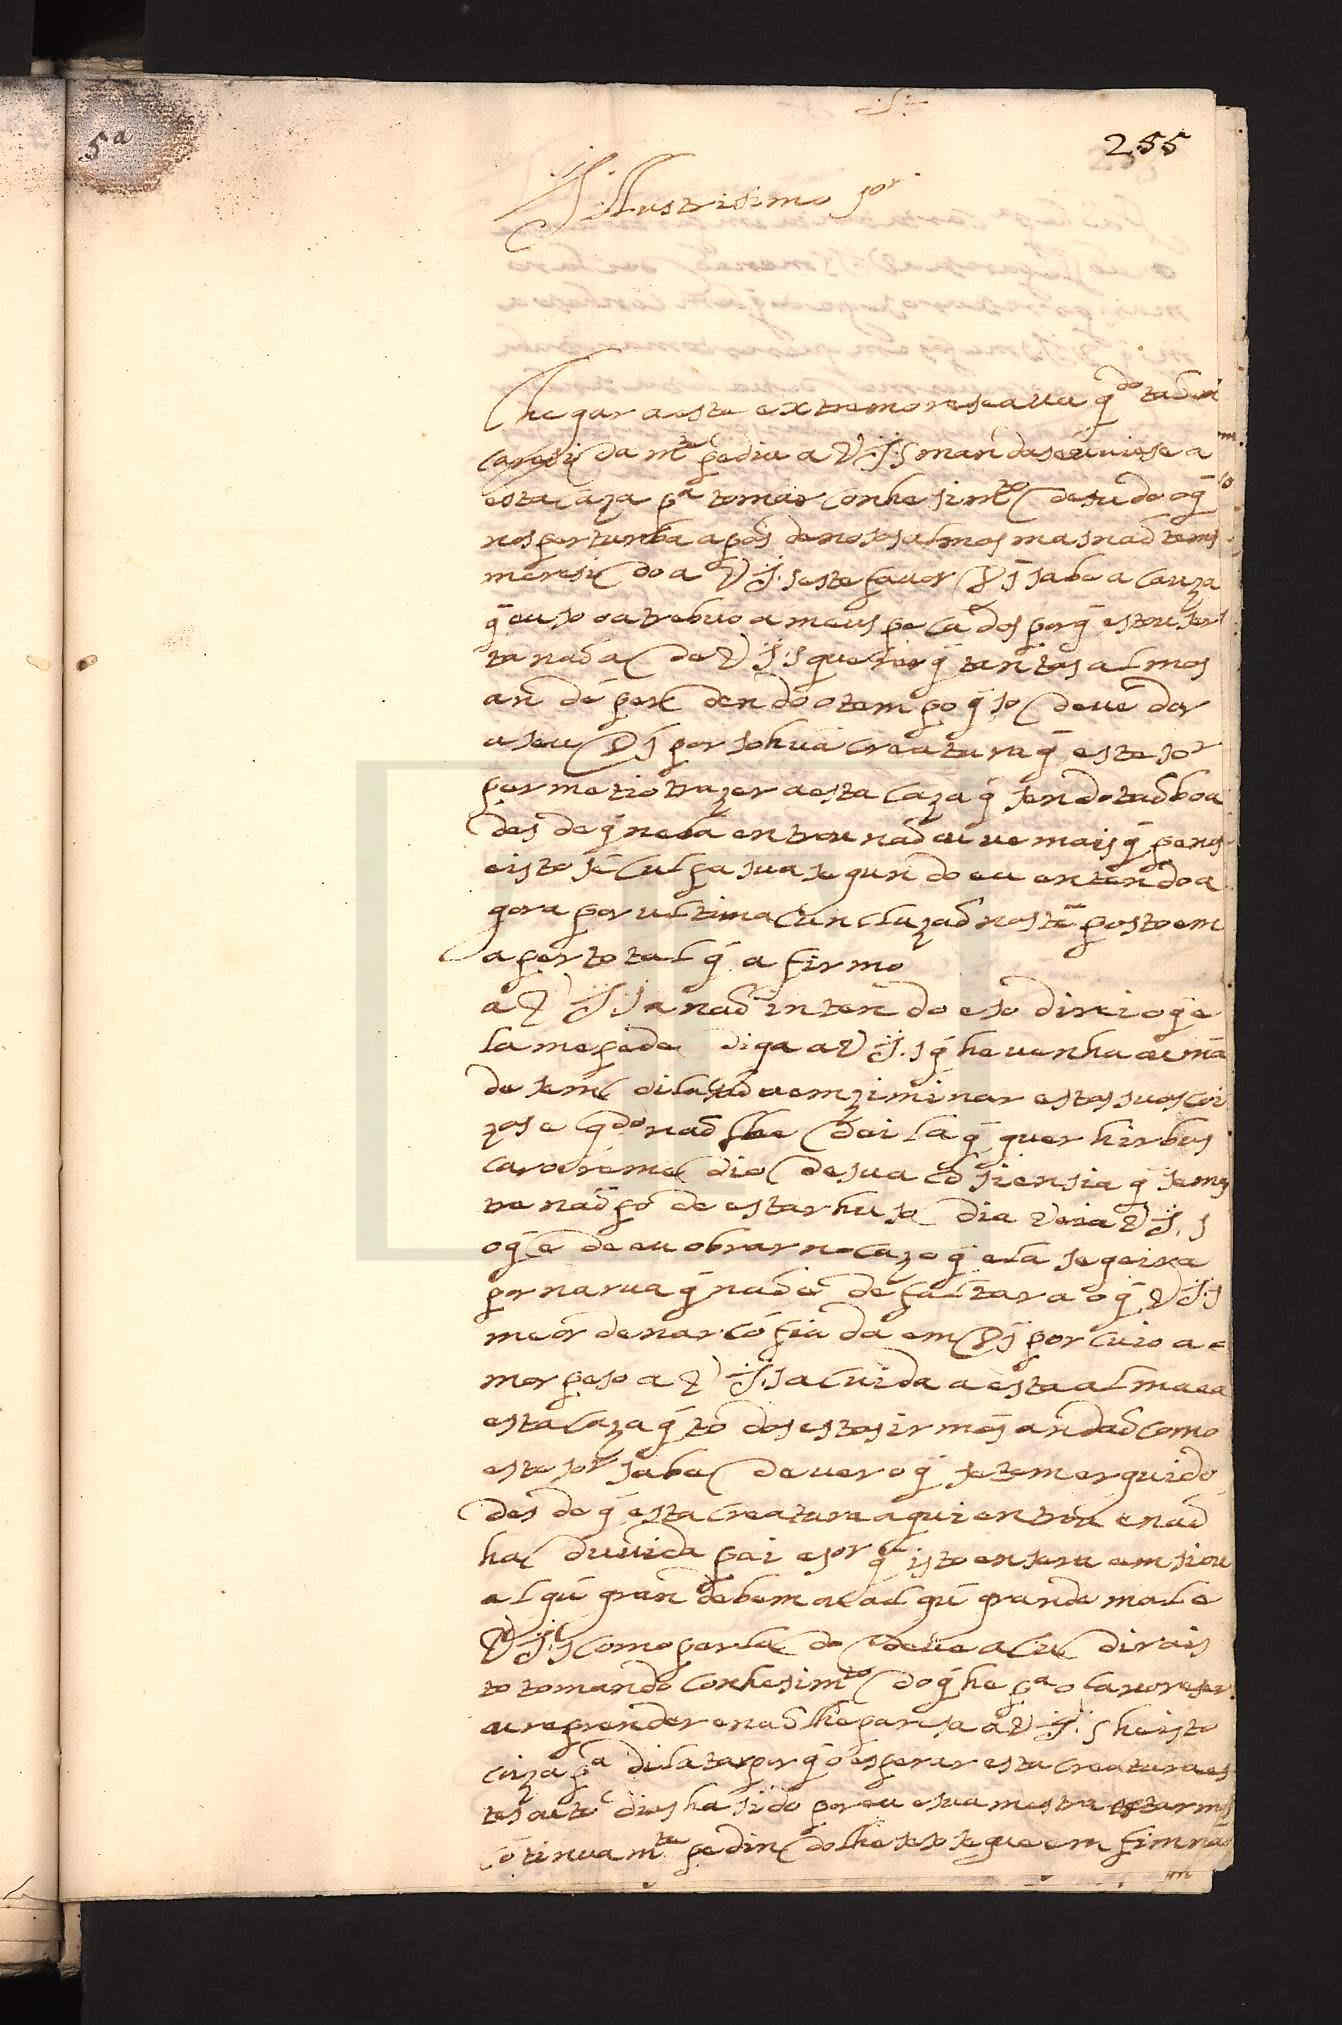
5a
255
Jllustrisimo Sor
Chegar a este extremo reseaua qdo taõ em
caresidamte pedia a V. J.S mandase ou uiese a
esta caza pa tomar conhesimto de tudo o q̄
nos perturba a pas de nosas almas mas naõ temos
meresido a V J.S. este fauor Ds̄ sabe a cauza
q̄ eu so o atrebuo a meus pecados porq̄ estou ser
ta naõ ade V J.S que ter q̄ tantas almas
ande perdendo o tempo q̄ se deue dar
a seu Ds̄ por o huā creatura q̄ este sor
permetio trazer a esta caza q̄ sendo taõ boa
desde q̄ nela entrou naõ ouue mais q̄ penas
e isto sē Culpa sua segundo eu entendo a
gora por ultima cuncluzaõ nos tē posto em
aperto tal q̄ afirmo
a V J.S a naõ intendo e so direi o q̄ e
la me pede diga a V J.S q̄ ha uenha ou mā
de sem dilasaõ a emziminar estas suas coi
zas e qdo naõ lhe dai la q̄ quer hir bus
car o remedio de sua cōsiensia q̄ se mos
tra naõ pode estar hu so dia veia V J.S
o q̄ e de eu obrar no cazo q̄ ela se qeira
por na rua q̄ naõ a de faltar o q̄ V J.S
me ordenar cōfiada em Ds̄ por cuio a
mor peso a V J.S acuida a esta alma e a
esta Caza q̄ todas estas irmās andaõ como
este sor sabe de uer o q̄ se tem erguido
desde q̄ esta creatura aqui entrou e naõ
ha duuida pai e sor q̄ isto ensera em si ou
algū grande bem ou algū grande mal e
V J.S como perlado deue acudir a is
to tomando conhesimto do q̄ he pa o fauoreser
ou reprender e naõ lhe paresa a V J.S he isto
coiza pa dilatar porq̄ o esperar esta creatura es
tes outo dias ha sido por eu e sua mestra estarmos
cōtinuamte pedindolhe se sosegue em fim não
